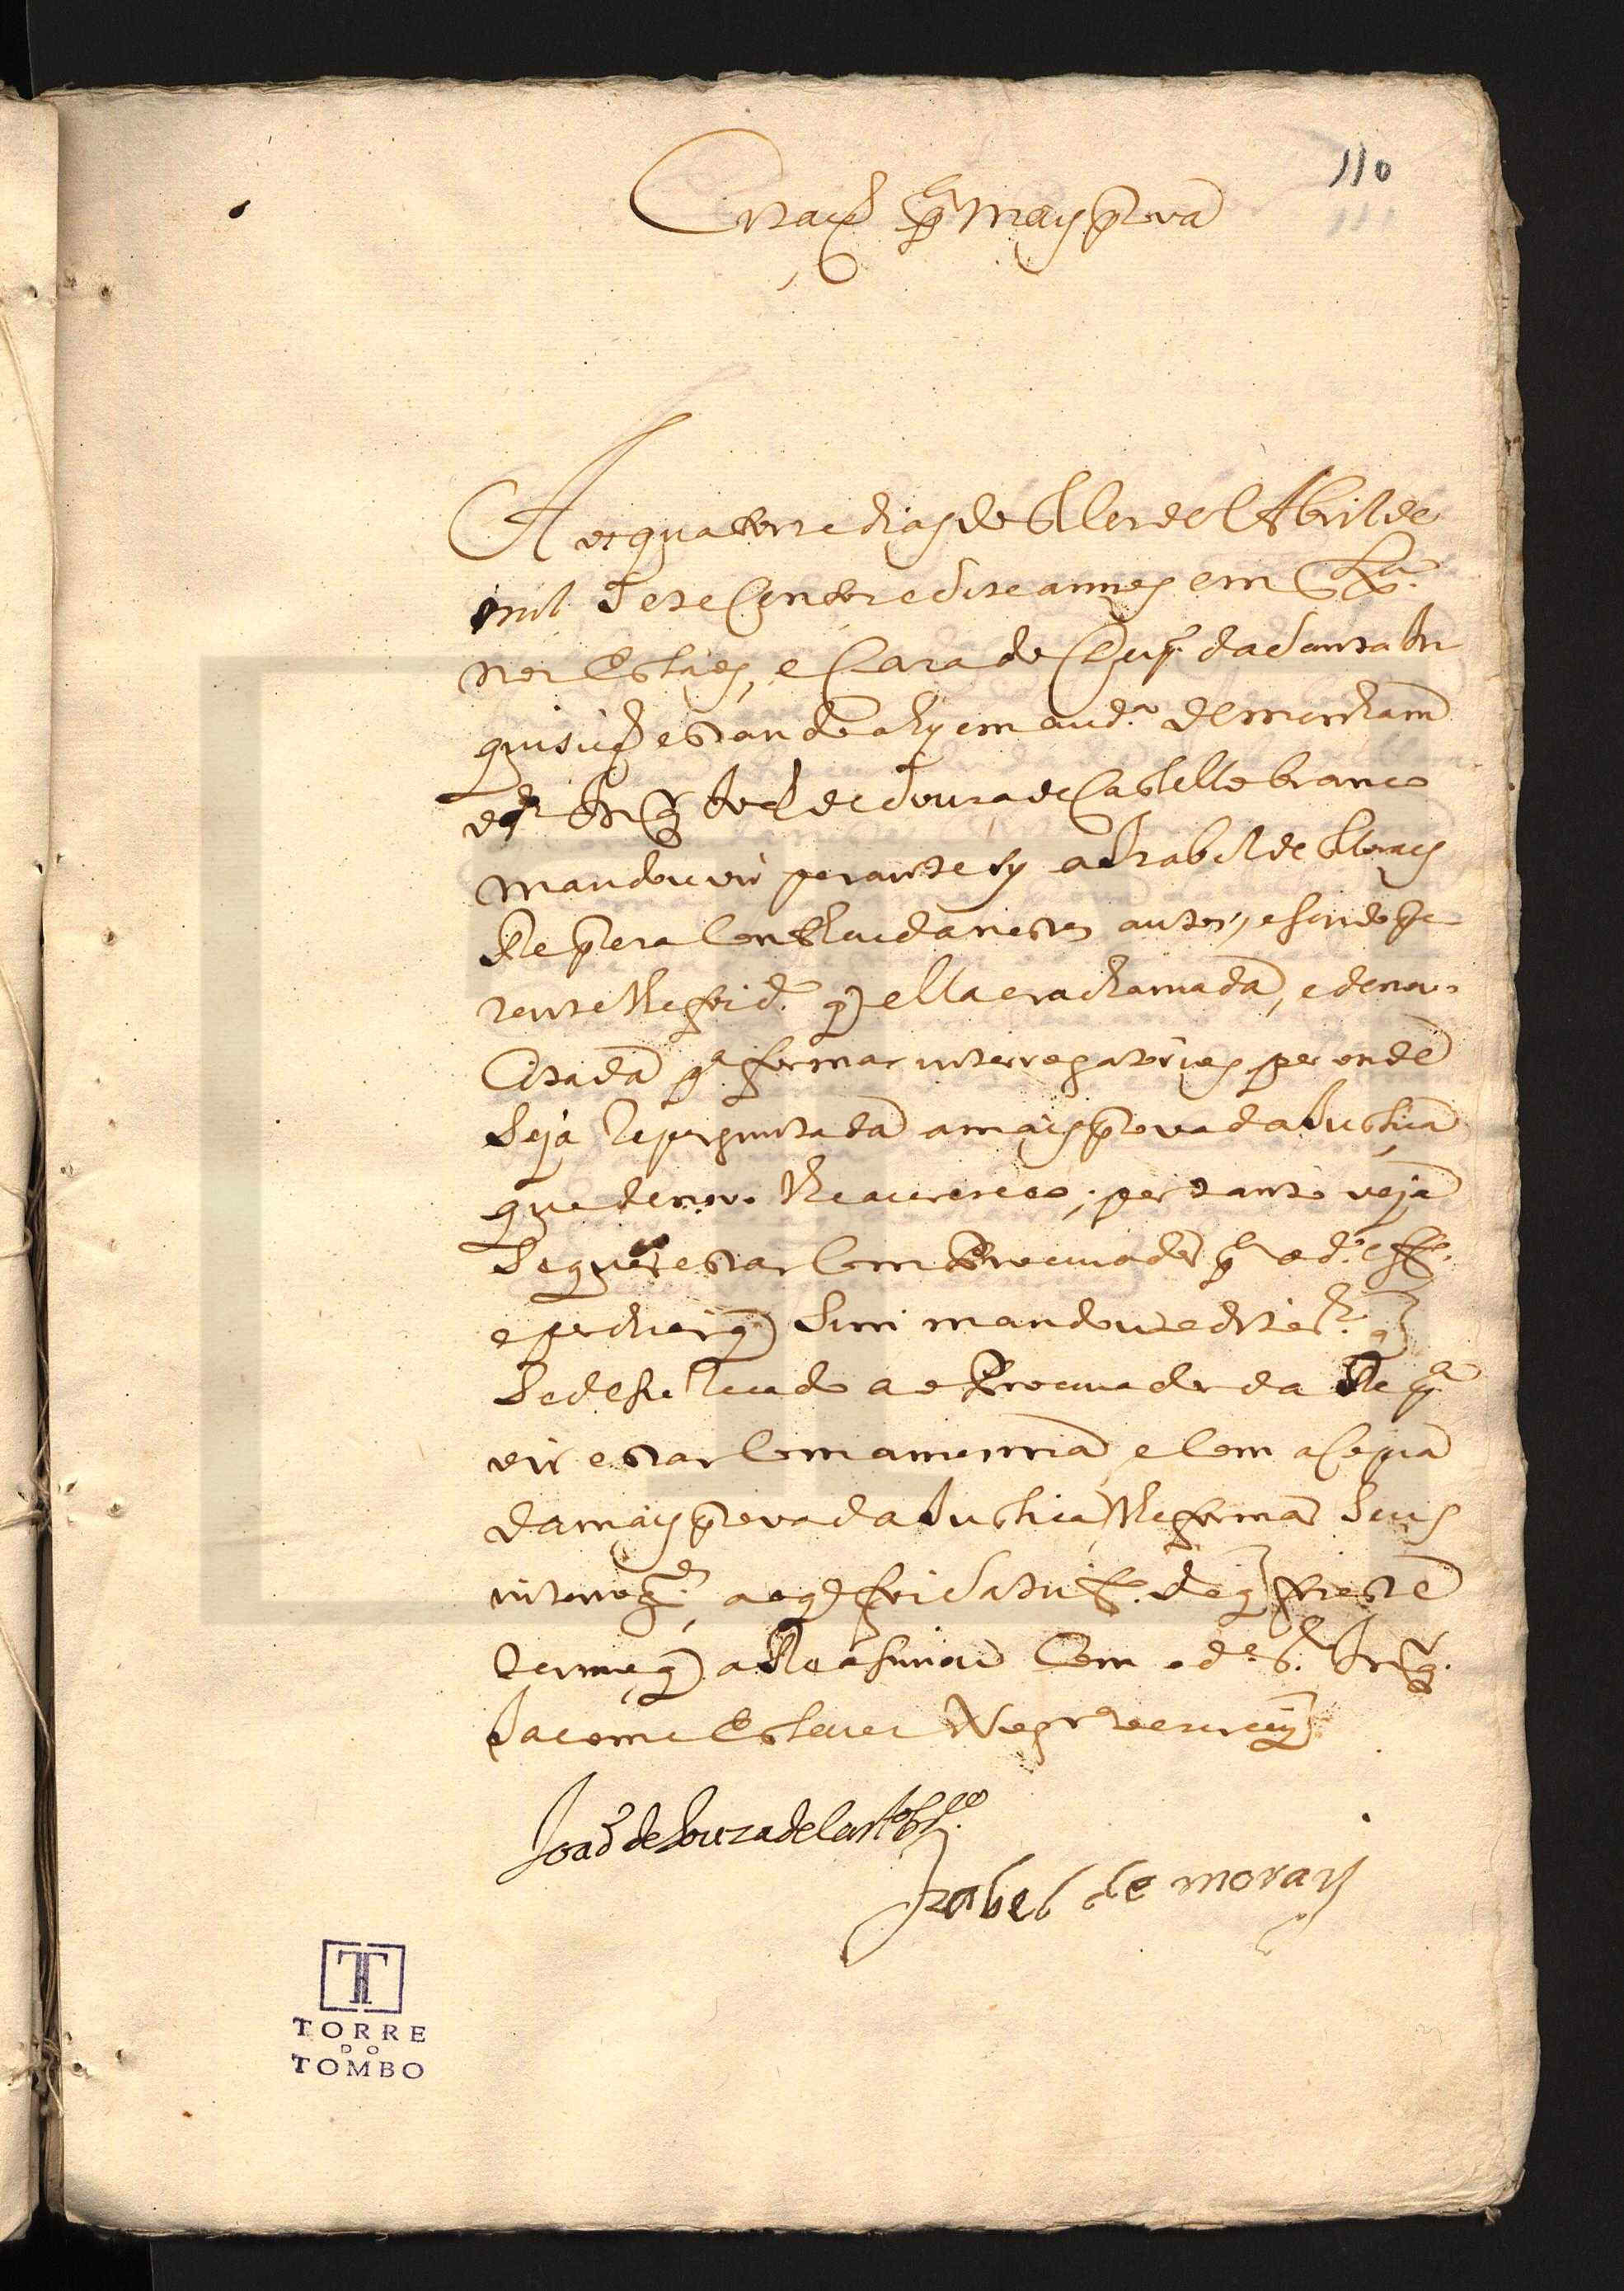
Citaçaõ p.a mais pRova
Aos quatorze dias do Mez de Abril de
mil seteCentos e sete annos em L.xa
nos Estaos, e Caza do Desp.o da Santa In
quisiçaõ estando ahy em aud.a de menham
o s.r Inq.r Ioaõ de Souza de Castellobranco
mandou vir perante sy a Izabel de Moraes
Re pReza Contheuda nestes autos, e sendo pRe
zente lhe foi d.o q̄ ella era chamada, e de novo
Citada p.a formar interrogatorias per onde
seja Reperguntada a mais pRova da Iustiça
que de novo lhe acresceo; pertanto veja
se quer estar Com Procurador p.a o d.o effo.
e pedia q̄ Sim mandou se dizer q̄
Se desse Recado ao Procurador da Re p.a
vir estar com a mesma, e com a Copia
da mais prova da Iustiça, lhe forma Seus
interrog.os ao q̄ foi satif.o de q̄ fiz este
termo q̄ a Re assinou Com o d.o s.r Inq.or
Iacome Esteues Nog.ra o escreuj
Joaõ de Souza de Cast.ob.r.co
Jsabel de morais
